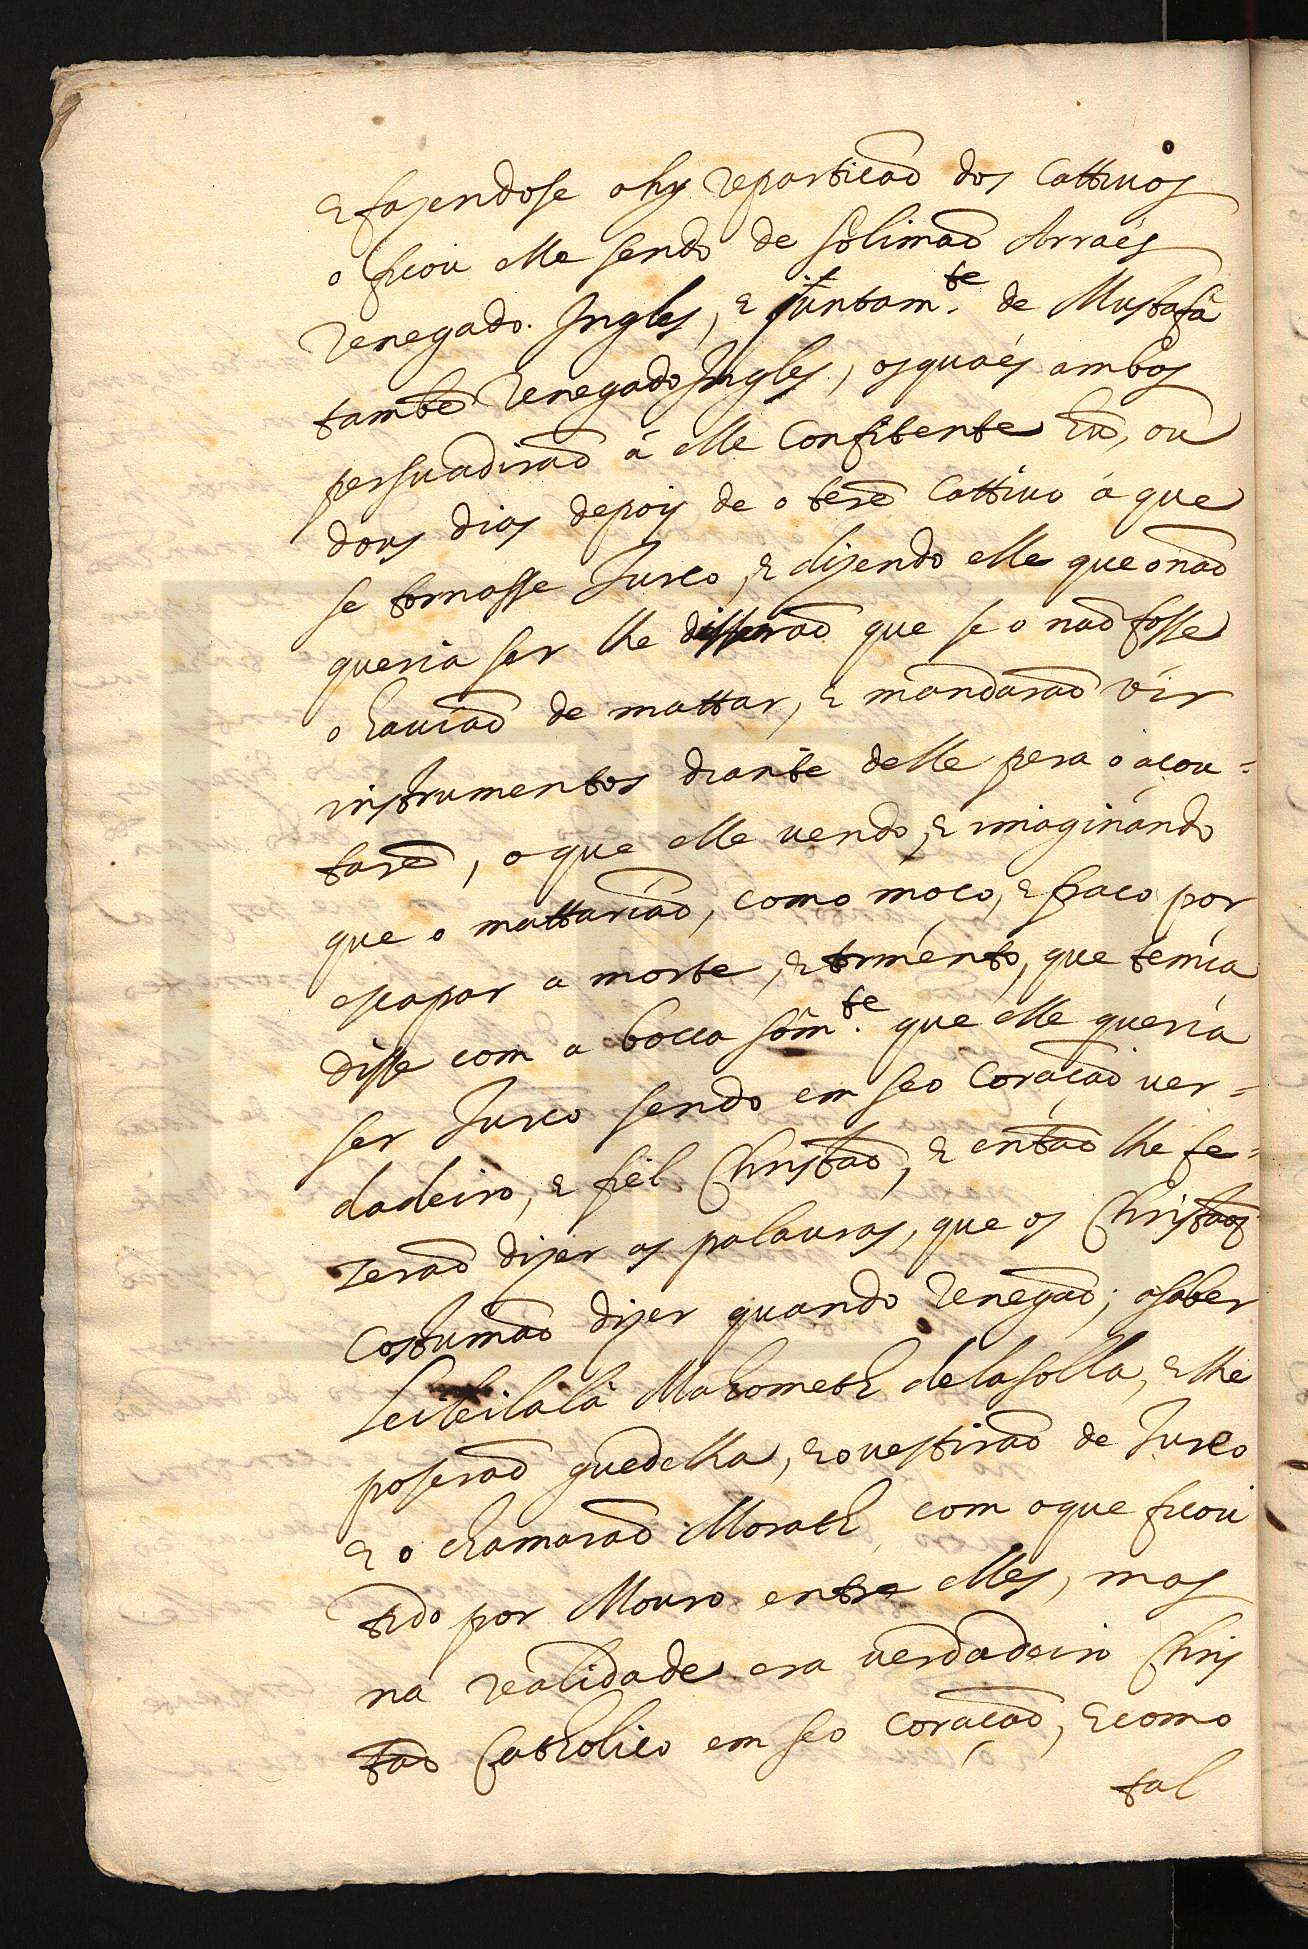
E fazendose ahy repartição dos cattiuos
o ficou elle sendo de Solimaõ Arraes
renegado. Jngles, e juntam.te de Mustafá
tambē Renegado Ingles, os quaes ambos
persuadiraõ á elle confitente hū, ou
dous dias depois de o ter cattiuo a que
se tornasse turco, E dizendo elle que o naõ
queria ser lhe disserão que se o não fosse
o hauião de mattar, E mandarão vir
instrumentos diante delle pera o açou
tarem, o que elle uendo, E imaginando
que o mattarião, como moço, e fraco por
escapar a morte, e tormento, que temía
disse com a boca somte que elle queria
ser turco sendo em seo coraçaõ uer
dadeiro, e fiel Christão, E então lhe fe
zeraõ dizer as palauras, que os Christaõs
costumaõ dizer quando Renegaõ, a saber
Leileilalá Mahometh delasolla, E lhe
poserão guedelha, E o uestirão de turco
E o chamaraõ Morath com o que ficou
tido por Mouro entre elles, mas
na realidade era uerdadeiro Chris
tão Catholico em seo coração, E como
tal
